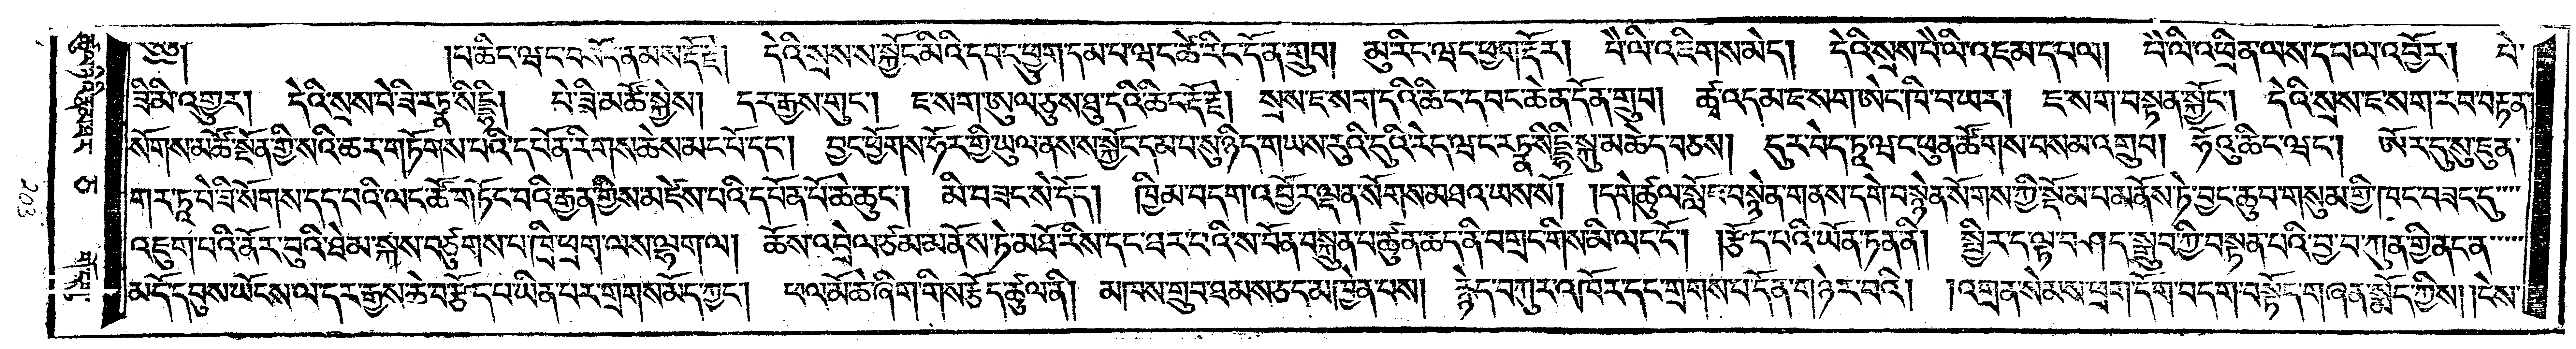༄༅། །ག་ཆིང་ཝང་བསོད་ནམས་རྡོ་རྗེ། དེའི་སྲས་ས་སྐྱོང་མིའི་དབང་ཕྱུག་དམ་བ་ཝང་ཚེ་རིང་དོན་གྲུབ། མུ་རིང་ཝང་ཕྱག་རྡོར། བཻ་ལི་འཇིགས་མེད། དེའི་སྲས་བཻ་ལི་འཇམ་དཔལ། བཻ་ཡི་འཕྲིན་ལས་དཔལ་འབྱོར། པེ་
ཟི་མི་འགྱུར། དེའི་སྲས་པེ་ཟི་རཏྣ་སིདྡྷི། བེ་ཟི་མཚོ་སྐྱེས། དར་རྒྱས་གུང་། ཇ་སག་ཨུལ་ཅུས་ཐུ་དའི་ཆིང་རྡོ་རྗེ། སྲས་ཇ་སག་དའི་ཚིང་དབང་ཆེན་དོན་གྲུབ། ཚྭ་འདམ་ཇ་སག་ཨེང་ཁི་བ་ཡར། ཇ་སག་བསྟན་སྐྱོང་། དེའི་སྲས་ཇ་སག་རབ་བརྟན་
སོགས་མཚོ་སྔོན་གྱི་སའི་ཆར་གཏོགས་པའི་དཔོན་རིགས་ཆེས་མང་པོ་དང་། བྱང་ཕྱོགས་ཧོར་གྱི་ཡུལ་ནས་ས་སྐྱོང་དམ་བ་སུ་ཉིད་གཡས་རུའི་དུའི་རེད་ཝང་རཏྣ་སིདྡྷི་སྐུ་མཆེད་བཅས། དུར་བདེ་ཏཱ་ཝང་ཕུན་ཚོགས་བསམ་འགྲུབ། ཧོའུ་ཆིང་ཝང་། ཨོར་དུ་སུ་ཇུན་
གར་ཏཱ་བེ་ཟི་སོགས་དད་བའི་ལང་ཚོ་གཏོང་བའི་རྒྱན་གྱིས་མཛེས་པའི་དཔོན་པོ་ཆེ་ཆུང་། མི་བཟང་སེ་དོད། ཁྱིམ་བདག་འབྱོར་ལྡན་སོགས་མཐའ་ཡས་སོ། །དགེ་ཚུལ་སློང་བསྙེན་གནས་དགེ་བསྙེན་སོགས་ཀྱི་སྡོམ་པ་མནོས་ཏེ་བྱང་ཆུབ་གསུམ་གྱི་ཁང་བཟང་དུ་
འཇུག་པའི་ནོར་བུའི་ཐེམ་སྐས་བཙུགས་པ་ཁྲི་ཕྲག་ལས་ལྷག་ལ། ཆོས་འབྲེལ་ཙམ་མནོས་ཏེ་མཐོ་རིས་དང་ཐར་པའི་ས་བོན་བསྐྲུན་པ་ཚུན་ཆད་ནི་བགྲང་གིས་མི་ལང་ངོ། །རྩོད་བའི་ཡོན་ཏན་ནི། སྤྱིར་ད་ལྟ་བཤད་སྒྲུབ་ཀྱི་བསྟན་པའི་བྱ་བ་ཀུན་གྱི་ནང་ན་
མདོ་དབུས་ཡོངས་ལ་དར་རྒྱས་ཆེ་བརྩོད་པ་ཡིན་པར་གྲགས་མོད་ཀྱང་། ཕལ་མོ་ཆེ་ཞིག་གིས་རྩོད་ཚུལ་ནི། མཁས་གྲུབ་ཐམས་ཅད་མཁྱེན་པས། རྙེད་བཀུར་འཁོར་དང་གྲགས་པ་དོན་གཉེར་བའི། །འགྲན་སེམས་ཕྲག་དོག་བདག་བསྟོད་གཞན་སྨོད་ཀྱིས། །ངེས་